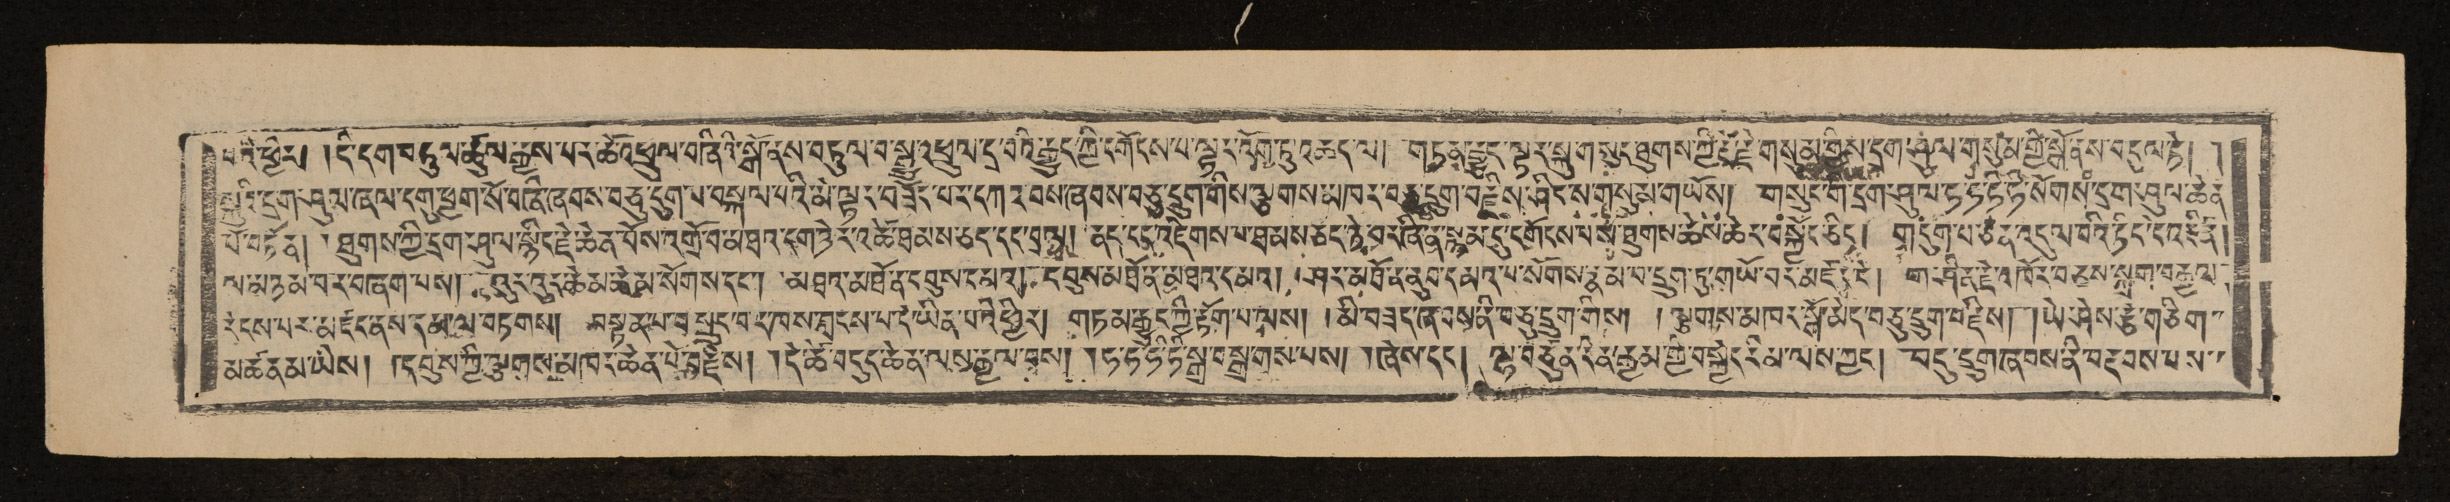པའི་ཕྱིར། དེ་དག་བཏུལ་ཚུལ་རྒྱས་པར་ཆོ་འཕྲུལ་བཞིའི་སྒོ་ནས་བཏུལ་བ་སྒྱུ་འཕྲུལ་དྲ་བའི་རྒྱུད་ཀྱི་དགོངས་པ་ལྟར་འོག་ཏུ་འཆད་ལ། གཏམ་རྒྱུད་ལྟར་སྐུ་གསུང་ཐུགས་ཀྱི་རྡོ་རྗེ་གསུམ་གྱིས་དྲག་ཤུལ་གསུམ་གྱི་སྒོ་ནས་བཏུལ་ཏེ།
སྐུའི་དྲག་ཤུལ་ཞལ་དགུ་ཕྱག་སོ་བཞི་ཞབས་བཅུ་དྲུག་པ་བསྐལ་པའི་མེ་ལྟར་བཟོད་པར་དཀའ་བས་ཞབས་བཅུ་དྲུག་གིས་ལྕགས་མཁར་བཅུ་དྲུག་བརྫིས་ཤིང་ས་གསུམ་གཡོས། གསུང་གི་དྲག་ཤུལ་ཧ་ཧ་ཧི་ཧི་སོགས་དྲག་ཤུལ་ཆེན་
པོ་བཏོན། ཐུགས་ཀྱི་དྲག་ཤུལ་སྙིང་རྗེ་ཆེན་པོས་འགྲོ་བ་མཐའ་དག་ཉེར་འཚེ་ཐམས་ཅད་དང་བྲལ། ནད་དང་འཇིགས་པ་ཐམས་ཅད་ཉེ་བར་ཞི་ན་སྙམ་དུ་དགོངས་པས་ཐུགས་ཆེས་ཆེར་བསྐྱོད་ཅིང་། གདུག་པ་ཅན་འདུལ་བའི་ཏིང་ངེ་འཛིན་
ལ་མཉམ་པར་བཞག་པས། འུར་འུར་ཆེམ་ཆེམ་སོགས་དང་། མཐའ་མཐོ་ན་དབུས་དམའ། དབུས་མཐོན་མཐའ་དམའ། ཤར་མཐོ་ན་ནུབ་དམའ་བ་སོགས་རྣམ་པ་དྲུག་ཏུ་གཡོ་བར་མཛད་དེ། གཤིན་རྗེ་འཁོར་བཅས་སྐྲག་བརྒྱལ་
རེངས་པར་མཛད་ནས་དམ་ལ་བཏགས། བསྟན་པ་བསྲུང་བར་ཁས་བླངས་པ་དེ་ཡིན་པའི་ཕྱིར། གཏམ་རྒྱུད་ཀྱི་རྟོག་པ་ལས། མི་བཟད་ཞབས་ནི་བཅུ་དྲུག་གིས། །ལྕགས་མཁར་སྒོ་མེད་བཅུ་དྲུག་བརྫིས། །ཡེ་ཤེས་རྩེ་གཅིག་
མཚན་མ་ཡིས། །དབུས་ཀྱི་ལྕགས་མཁར་ཆེན་པོ་བརྫིས། །དེ་ཚེ་བདུད་ཆེན་ལས་རྒྱལ་བས། །ཧ་ཧ་ཧི་ཧི་སྒྲ་བསྒྲགས་པས། །ཞེས་དང་། ལྷ་བཙུན་རིན་རྒྱམ་གྱི་བསྐྱེད་རིམ་ལས་ཀྱང་། བཅུ་དྲུག་ཞབས་ནི་བརྡབས་པས་